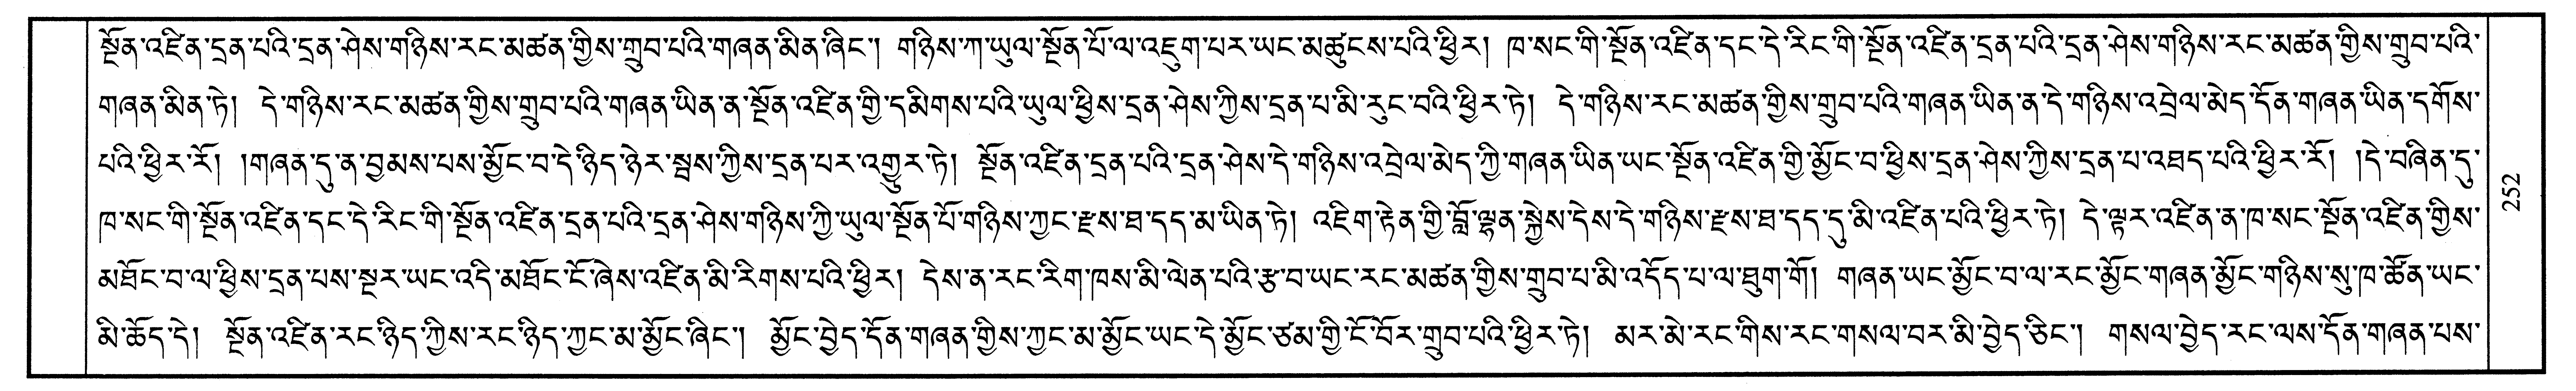སྔོན་འཛིན་དྲན་པའི་དྲན་ཤེས་གཉིས་རང་མཚན་གྱིས་གྲུབ་པའི་གཞན་མིན་ཞིང་། གཉིས་ཀ་ཡུལ་སྔོན་པོ་ལ་འཇུག་པར་ཡང་མཚུངས་པའི་ཕྱིར། ཁ་སང་གི་སྔོན་འཛིན་དང་དེ་རིང་གི་སྔོན་འཛིན་དྲན་པའི་དྲན་ཤེས་གཉིས་རང་མཚན་གྱིས་གྲུབ་པའི་
གཞན་མིན་ཏེ། དེ་གཉིས་རང་མཚན་གྱིས་གྲུབ་པའི་གཞན་ཡིན་ན་སྔོན་འཛིན་གྱི་དམིགས་པའི་ཡུལ་ཕྱིས་དྲན་ཤེས་ཀྱིས་དྲན་པ་མི་རུང་བའི་ཕྱིར་ཏེ། དེ་གཉིས་རང་མཚན་གྱིས་གྲུབ་པའི་གཞན་ཡིན་ན་དེ་གཉིས་འབྲེལ་མེད་དོན་གཞན་ཡིན་དགོས་
པའི་ཕྱིར་རོ། །གཞན་དུ་ན་བྱམས་པས་མྱོང་བ་དེ་ཉིད་ཉེར་སྦས་ཀྱིས་དྲན་པར་འགྱུར་ཏེ། སྔོན་འཛིན་དྲན་པའི་དྲན་ཤེས་དེ་གཉིས་འབྲེལ་མེད་ཀྱི་གཞན་ཡིན་ཡང་སྔོན་འཛིན་གྱི་མྱོང་བ་ཕྱིས་དྲན་ཤེས་ཀྱིས་དྲན་པ་འཐད་པའི་ཕྱིར་རོ། །དེ་བཞིན་དུ་
ཁ་སང་གི་སྔོན་འཛིན་དང་དེ་རིང་གི་སྔོན་འཛིན་དྲན་པའི་དྲན་ཤེས་གཉིས་ཀྱི་ཡུལ་སྔོན་པོ་གཉིས་ཀྱང་རྫས་ཐ་དད་མ་ཡིན་ཏེ། འཇིག་རྟེན་གྱི་བློ་ལྷན་སྐྱེས་དེས་དེ་གཉིས་རྫས་ཐ་དད་དུ་མི་འཛིན་པའི་ཕྱིར་ཏེ། དེ་ལྟར་འཛིན་ན་ཁ་སང་སྔོན་འཛིན་གྱིས་
མཐོང་བ་ལ་ཕྱིས་དྲན་པས་སྔར་ཡང་འདི་མཐོང་ངོ་ཞེས་འཛིན་མི་རིགས་པའི་ཕྱིར། དེས་ན་རང་རིག་ཁས་མི་ལེན་པའི་རྩ་བ་ཡང་རང་མཚན་གྱིས་གྲུབ་པ་མི་འདོད་པ་ལ་ཐུག་གོ །གཞན་ཡང་མྱོང་བ་ལ་རང་མྱོང་གཞན་མྱོང་གཉིས་སུ་ཁ་ཚོན་ཡང་
མི་ཆོད་དེ། སྔོན་འཛིན་རང་ཉིད་ཀྱིས་རང་ཉིད་ཀྱང་མ་མྱོང་ཞིང་། མྱོང་བྱེད་དོན་གཞན་གྱིས་ཀྱང་མ་མྱོང་ཡང་དེ་མྱོང་ཙམ་གྱི་ངོ་བོར་གྲུབ་པའི་ཕྱིར་ཏེ། མར་མེ་རང་གིས་རང་གསལ་བར་མི་བྱེད་ཅིང་། གསལ་བྱེད་རང་ལས་དོན་གཞན་པས་